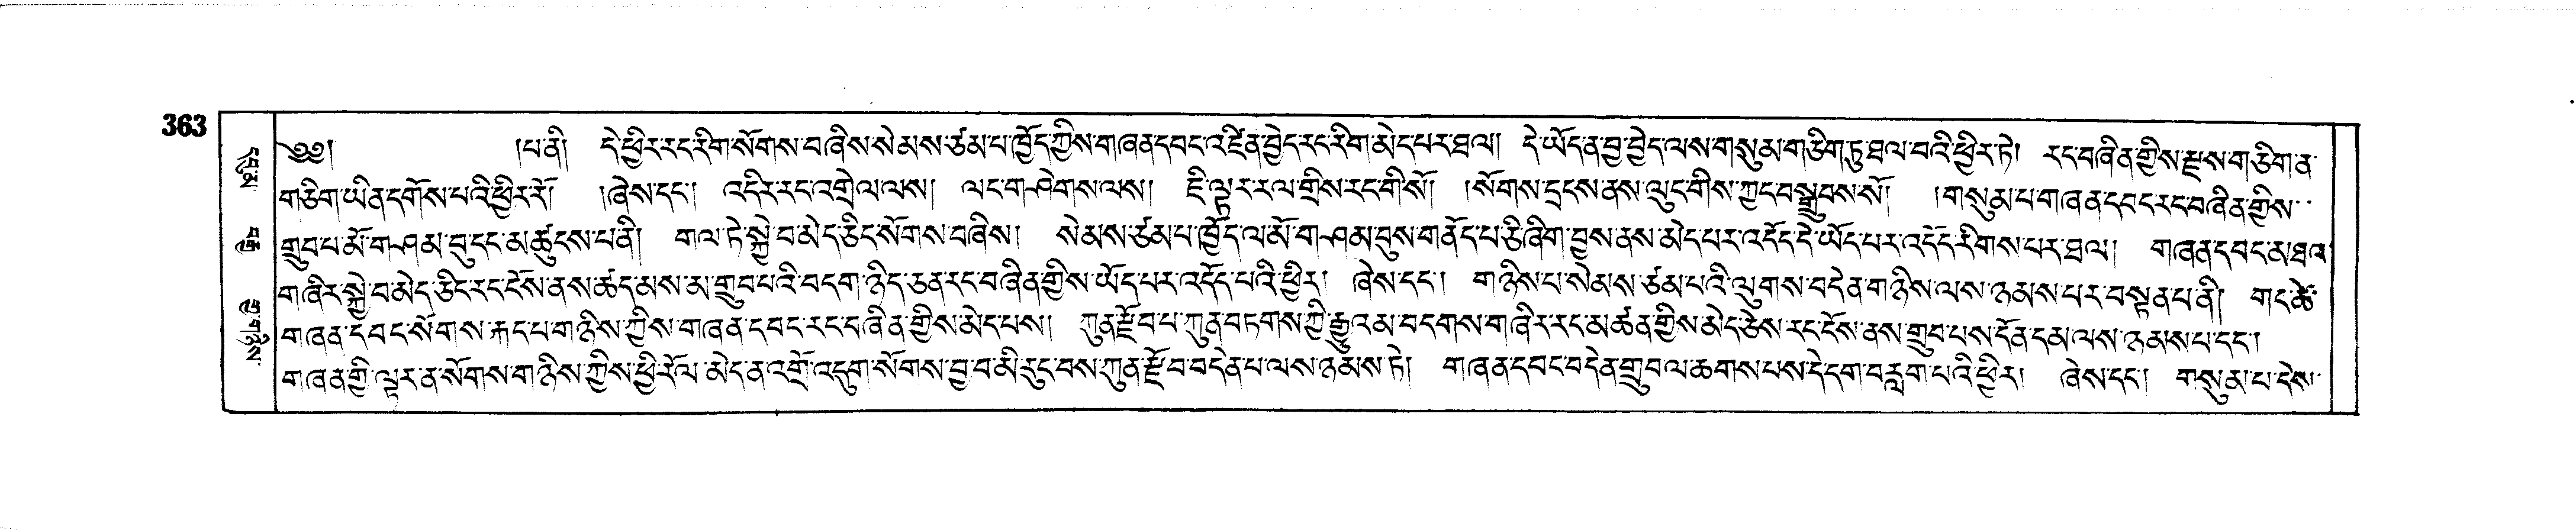༄༅། །པ་ནི། དེ་ཕྱིར་རང་རིག་སོགས་བཞིས་སེམས་ཙམ་པ་ཁྱོད་ཀྱིས་གཞན་དབང་འཛིན་བྱེད་རང་རིག་མེད་པར་ཐལ། དེ་ཡོད་ན་བྱ་བྱེད་ལས་གསུམ་གཅིག་ཏུ་ཐལ་བའི་ཕྱིར་ཏེ། རང་བཞིན་གྱིས་རྫས་གཅིག་ན་
གཅིག་ཡིན་དགོས་པའི་ཕྱིར་རོ། །ཞེས་དང་། འདིར་རང་འགྲེལ་ལས། ལང་གཤེགས་ལས། ཇི་ལྟར་རལ་གྲིས་རང་གི་སོ། །སོགས་དྲངས་ནས་ལུང་གིས་ཀྱང་བསྒྲུབས་སོ། །གསུམ་པ་གཞན་དབང་རང་བཞིན་གྱིས་
གྲུབ་པ་མོ་གཤམ་བུ་དང་མཚུངས་པ་ནི། གལ་ཏེ་སྐྱེ་བ་མེད་ཅིང་སོགས་བཞིས། སེམས་ཙམ་པ་ཁྱོད་ལ་མོ་གཤམ་བུས་གནོད་པ་ཅི་ཞིག་བྱས་ནས་མེད་པར་འདོད་དེ་ཡོད་པར་འདོད་རིགས་པར་ཐལ། གཞན་དབང་མཐའ་
གཞིར་སྐྱེ་བ་མེད་ཅིང་རང་ངོས་ནས་ཚད་མས་མ་གྲུབ་པའི་བདག་ཉིད་ཅན་རང་བཞིན་གྱིས་ཡོད་པར་འདོད་པའི་ཕྱིར། ཞེས་དང་། གཉིས་པ་སེམས་ཙམ་པའི་ལུགས་བདེན་གཉིས་ལས་ཉམས་པར་བསྟན་པ་ནི། གང་ཚེ་
གཞན་དབང་སོགས་རྐང་པ་གཉིས་ཀྱིས་གཞན་དབང་རང་བཞིན་གྱིས་མེད་པས། ཀུན་རྫོབ་པ་ཀུན་བཏགས་ཀྱི་རྒྱུའམ་བདགས་གཞིར་རང་མཚན་གྱིས་མེད་ཅེས་རང་ངོས་ནས་གྲུབ་པས་དོན་དམ་ལས་ཉམས་པ་དང་།
གཞན་གྱི་ལྟར་ན་སོགས་གཉིས་ཀྱིས་ཕྱི་རོལ་མེད་ན་འགྲོ་འདུག་སོགས་བྱ་བ་མི་རུང་བས་ཀུན་རྫོབ་བདེན་པ་ལས་ཉམས་ཏེ། གཞན་དབང་བདེན་གྲུབ་ལ་ཆགས་པས་དེ་དག་བརླག་པའི་ཕྱིར། ཞེས་དང་། གསུམ་པ་དེས་